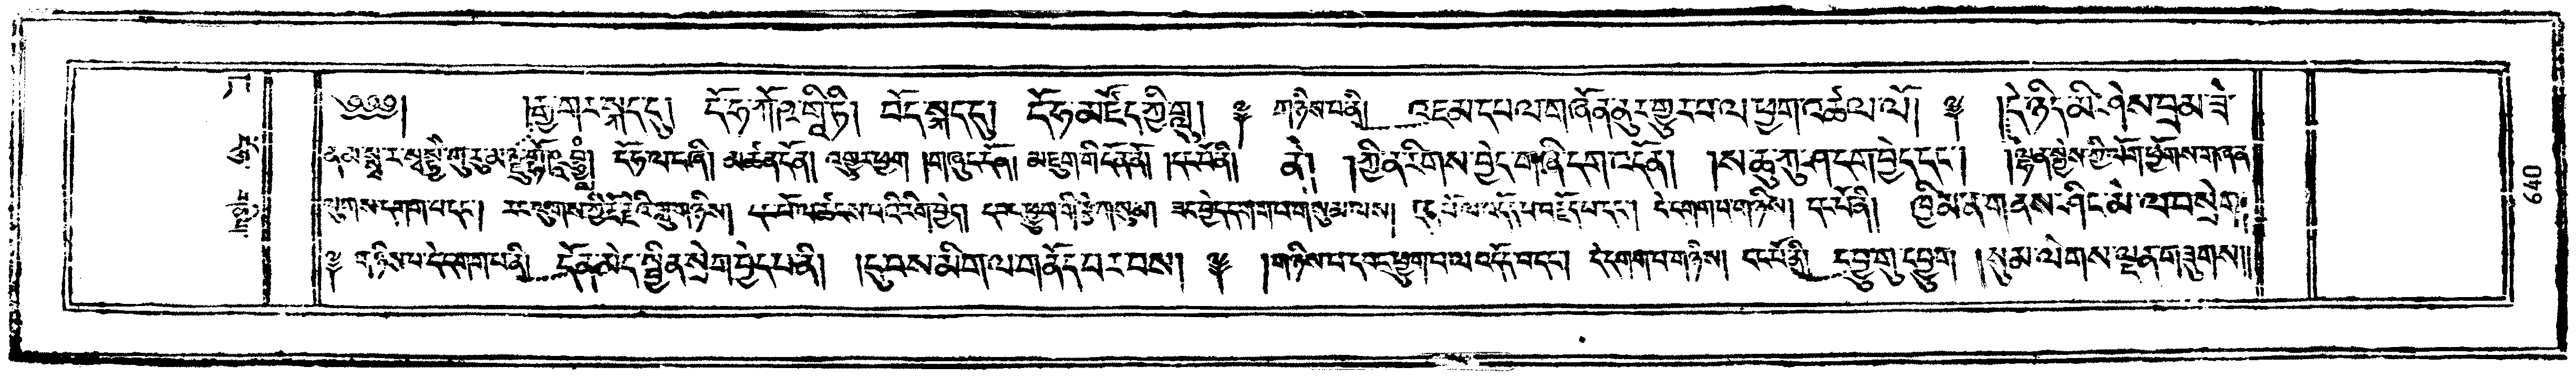༄༅༅། །རྒྱ་གར་སྐད་དུ། དོ་ཧ་ཀོ་ཥ་གཱི་ཏི། བོད་སྐད་དུ། དོ་ཧ་མཛོད་ཀྱི་གླུ། ༈ གཉིས་པ་ནི། འཇམ་དཔལ་གཞོན་ནུར་གྱུར་པ་ལ་ཕྱག་འཚལ་ལོ། ༈ །དེ་ཉིད་མི་ཤེས་བྲམ་ཟེ་
ནམ་སྶྲ་ར་སྭ་སྟྱི་གུ་རུ་མཉྗུ་གྷོ་ཥཱ་བྷྱཱཾ། མཚན་དོན། འགྱུར་ཕྱག །གཞུང་དོན། མཇུག་གི་དོན་ནོ། །དང་པོ་ནི། ནེ། །ཀྱི་ན་རིགས་བྱེད་གཞི་དག་འདོན། །ས་ཆུ་ཀུ་ཤ་དག་བྱེད་དང་། །ལྷན་སྐྱེས་ཀྱི་ལོག་ཕྱོགས་གཞན་
ལུགས་དགག་པ་དང་། རང་ལུགས་ཀྱི་རྡོ་རྗེའི་གླུ་གཉིས། དང་ལོ་ལ་ཚངས་པའི་རིགས་བྱེད། དབང་ཕྱུག་གི་རྩེ་གསུམ། ཟང་བྱེད་དགག་པ་གསུམ་ལས། དང་པོ་ལ་འདོད་པ་བརྗོད་པ་དང་། དེ་དགག་པ་གཉིས། དང་པོ་ནི། ཁྱིམ་ན་གནས་ཤིང་མེ་ལབ་སྲེག་
༈ གཉིས་པ་དེ་དགག་པ་ནི། དོན་མེད་སྦྱིན་སྲེག་བྱེད་པ་ནི། །དུ་བས་མིག་ལ་གནོད་པར་བས། ༈ །གཉིས་པ་དབང་ཕྱུག་པ་ལ་འདོད་བ་དང་། དེ་དགག་པ་གཉིས། དང་པོ་ནི། དབྱུ་གུ་དབྱུག་གསུམ་ལེགས་ལྡན་གཟུགས།།